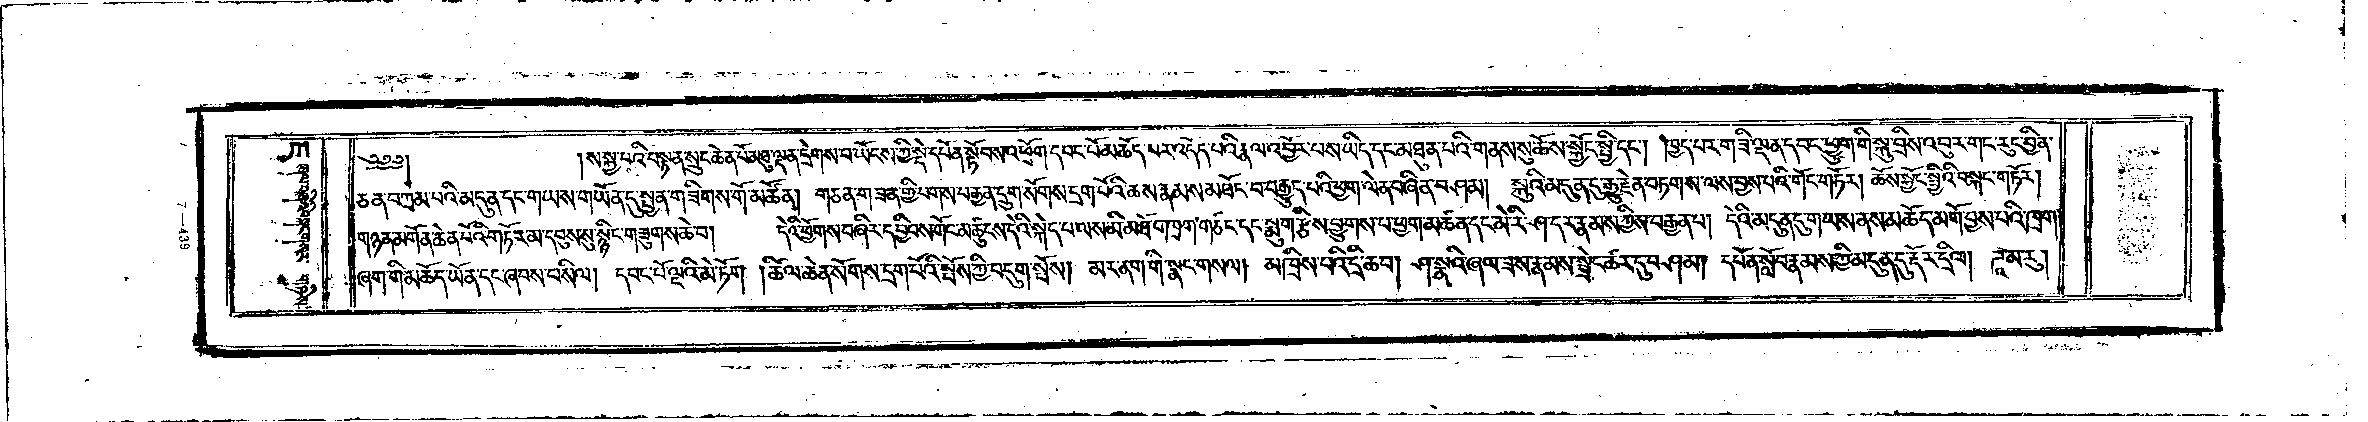༄༅༅། །ས་སྐྱ་པའི་བསྟན་སྲུང་ཆེན་པོ་མཐུ་ལྡན་དྲེགས་པ་ཡོངས་ཀྱི་སྡེ་དཔོན་སྟོབས་འཕྲོག་དབང་པོ་མཆོད་པར་འདོད་པའི་རྣལ་འབྱོར་པས་ཡིད་དང་མཐུན་པའི་གནས་སུ་ཆོས་སྐྱོང་སྤྱི་དང་། ཁྱད་པར་གཟི་ལྡན་དབང་ཕྱུག་གི་སྐུ་བྲིས་འབུར་གང་རུང་བྱིན་
ཅན་བཀྲམ་པའི་མདུན་དང་གཡས་གཡོན་དུ་སྤྱན་གཟིགས་གོ་མཚོན། གཅན་གཟན་གྱི་པགས་པ་རྒྱན་དྲུག་སོགས་དྲག་པོའི་ཆས་རྣམས་མཐོང་བ་བརྒྱུད་པའི་ཕྱག་ལེན་བཞིན་བཤམ། སྐུའི་མདུན་དུ་རྒྱུ་རྗེན་བཏགས་ལས་བྱས་པའི་གོང་གཏོར། ཆོས་སྐྱོང་སྤྱིའི་བསྐང་གཏོར།
གཉན་མགོན་ཆེན་པོའི་གཏོར་མ་དབུས་སུ་སྙིང་གཟུགས་ཆེ་བ། དེའི་ཕྱོགས་བཞིར་དབྱིབས་གོང་མཚུངས་དེའི་སྐེད་པ་ལས་མི་མཐོ་ག་ཁྲག་གཙང་དང་སྨུག་རྩིས་བྱུགས་པ་ཕྱག་མཚན་དང་མེ་རི་ཤ་དར་རྣམས་ཀྱིས་བརྒྱན་པ། དེའི་མདུན་དུ་གཡས་ནས་མཆོད་མགོ་བྱས་པའི་ཁྲག་
ཞག་གི་མཆོད་ཡོན་དང་ཞབས་བསིལ། དབང་པོ་ལྔའི་མེ་ཏོག །ཚིལ་ཆེན་སོགས་དྲག་པོའི་སྤོས་ཀྱི་བདུག་སྤོས། མར་ནག་གི་སྣང་གསལ། མཁྲིས་པའི་དྲི་ཆབ། ཤ་སྣའི་ཞལ་ཟས་རྣམས་སྦྲེང་ཚར་དུ་བཤམ། དཔོན་སློབ་རྣམས་ཀྱི་མདུན་དུ་རྡོར་དྲིལ། ཌཱ་མ་རུ།